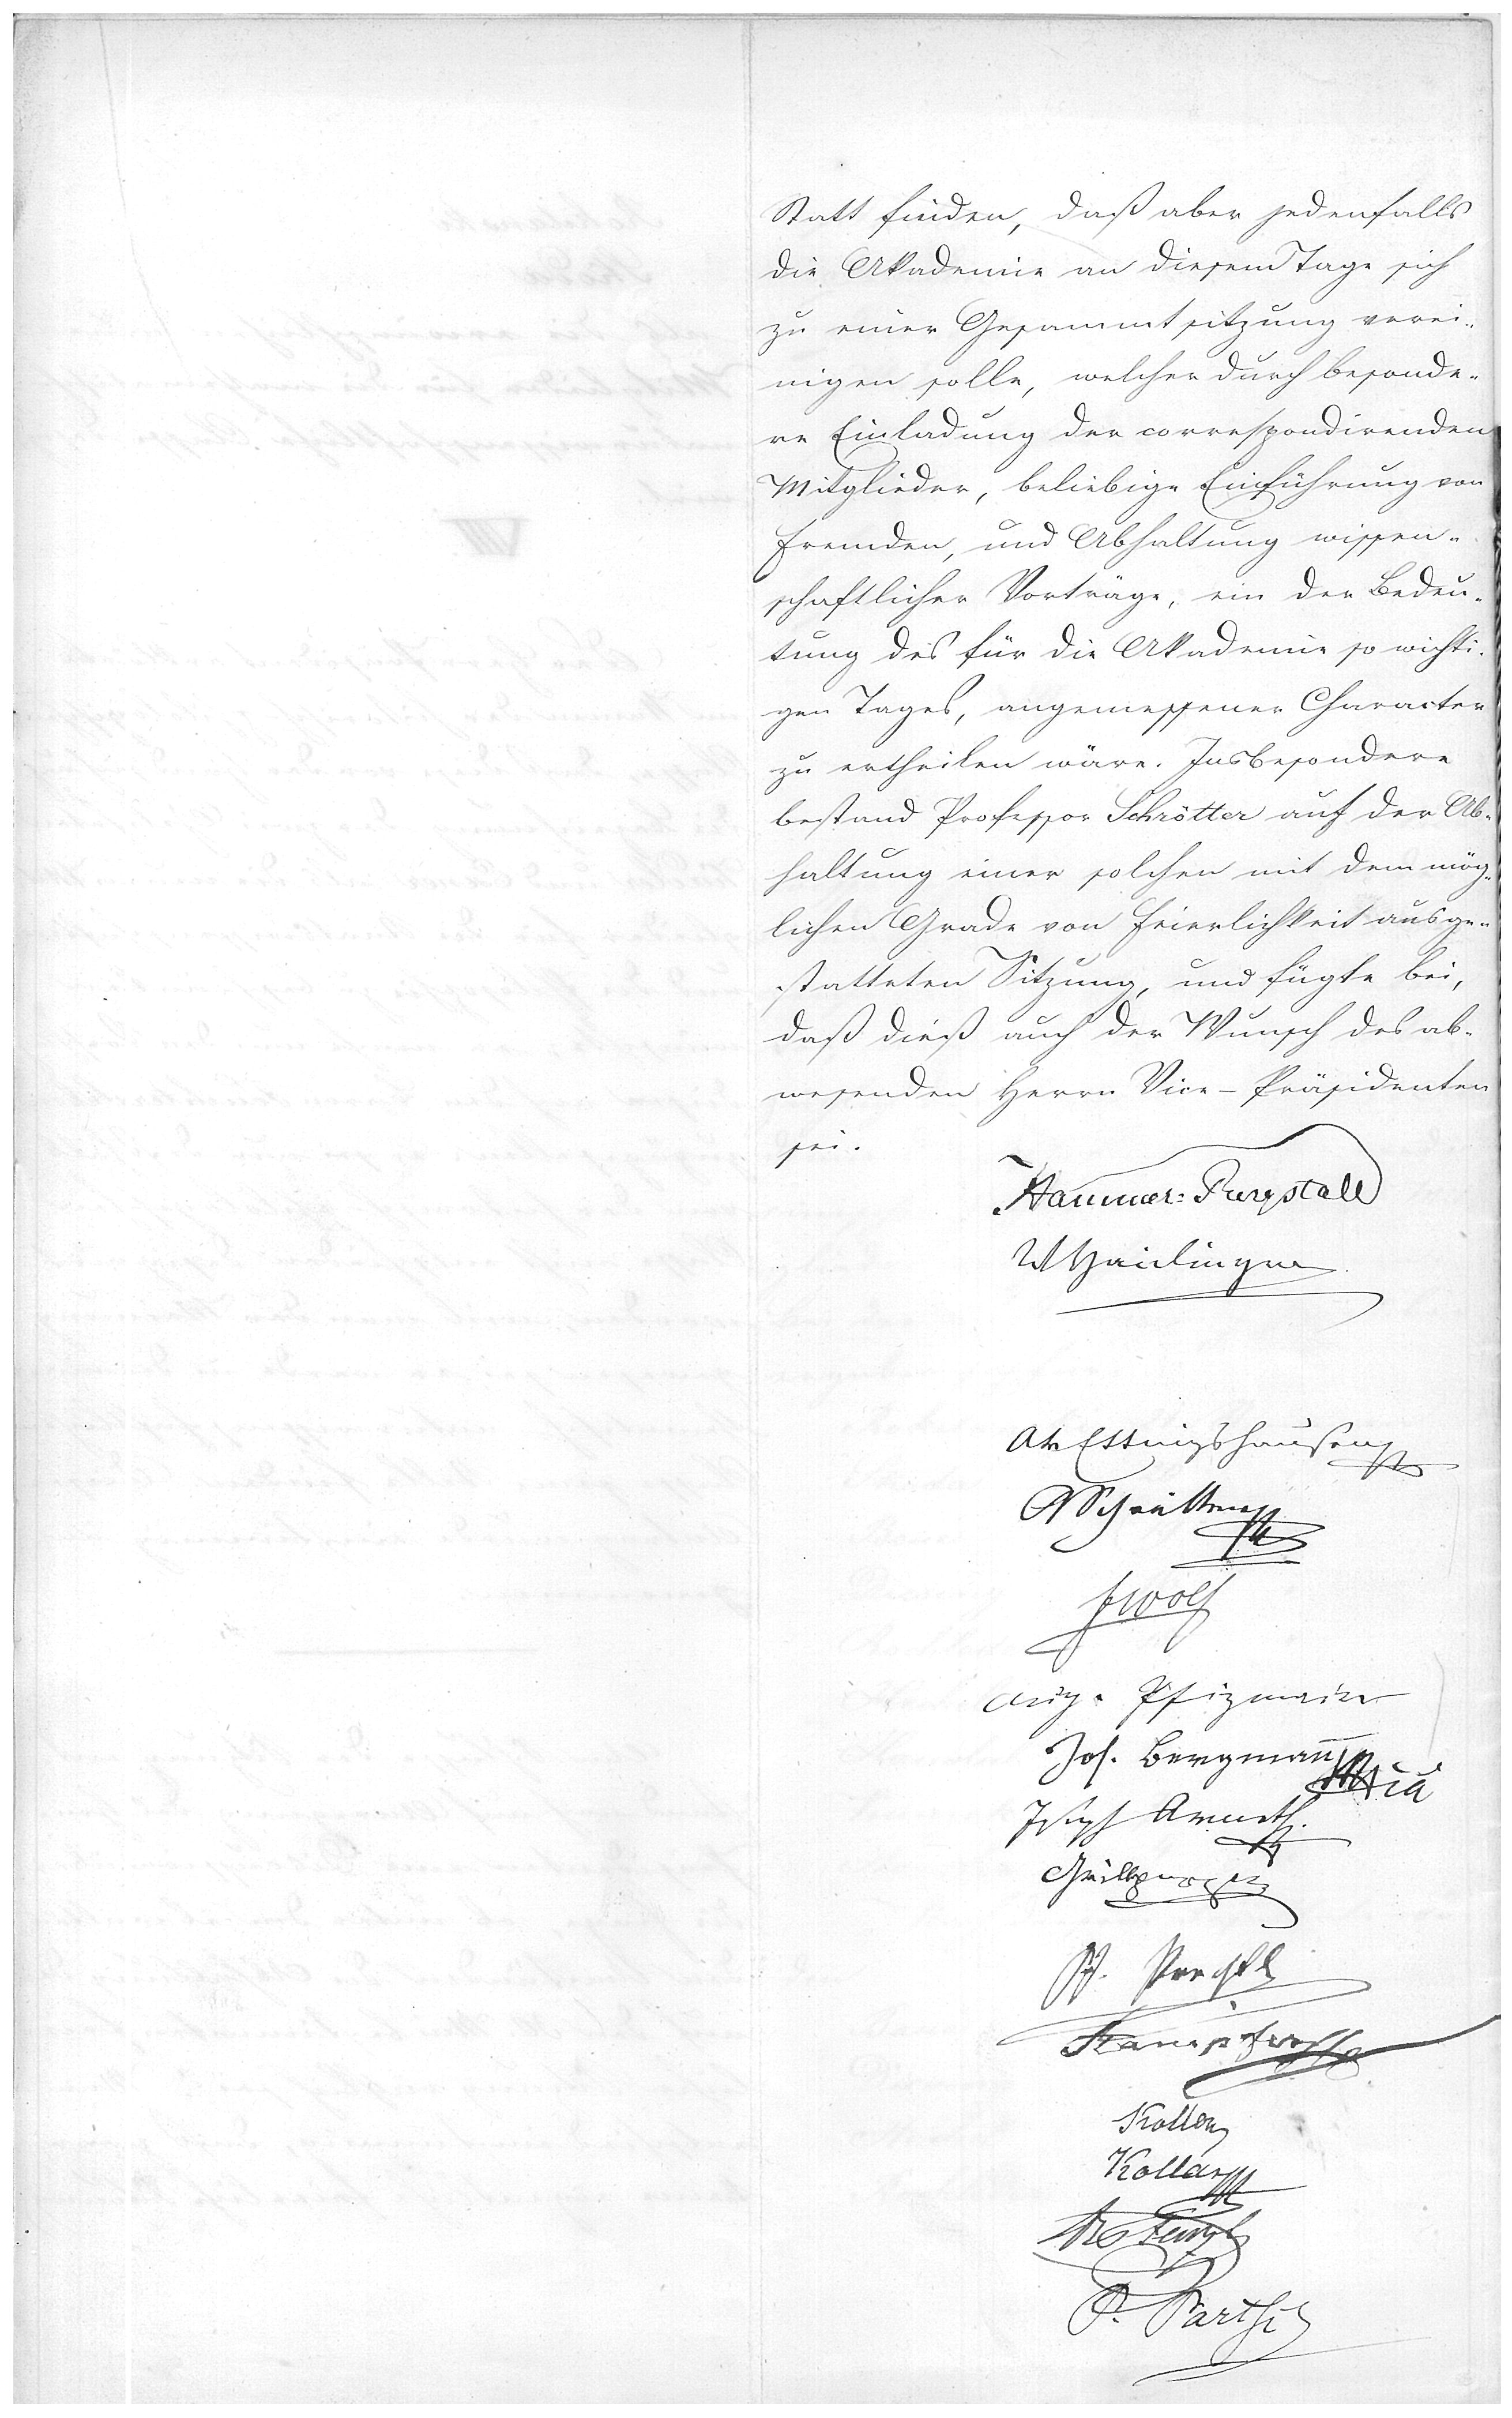statt finden, daß aber jedenfalls
die Akademie an diesem Tage sich
zu einer Gesammtsitzung verei-
nigen solle, welcher durch besonde-
re Einladung der correspondirenden
Mitglieder beliebige Einführung von
Fremden, und Abhaltung wissen-
schaftlicher Vorträge, ein der Bedeu-
tung des für die Akademie so wichti-
gen Tages, angemessenen Character
zu ertheilen wäre. Insbesondere
bestand Professor Schrötter auf der Ab-
haltung einer solchen mit dem mög-
lichen Grade von Feierlichkeit ausge-
statteten Sitzung, und fügte bei,
daß dieß auch der Wunsch des ab-
wesenden Herrn Vice-Präsidenten
sei.
Hammer-Purgstall
WHaidinger
AvEttingshausen
ASchrötter
FWolf
Aug. Pfizmaier
Jos. Bergmann
Joseph Arneth
Grillparzer
J.J. Prechtl
Stampfer
Koller
Kollar
Ed. Fenzl
P. Partsch